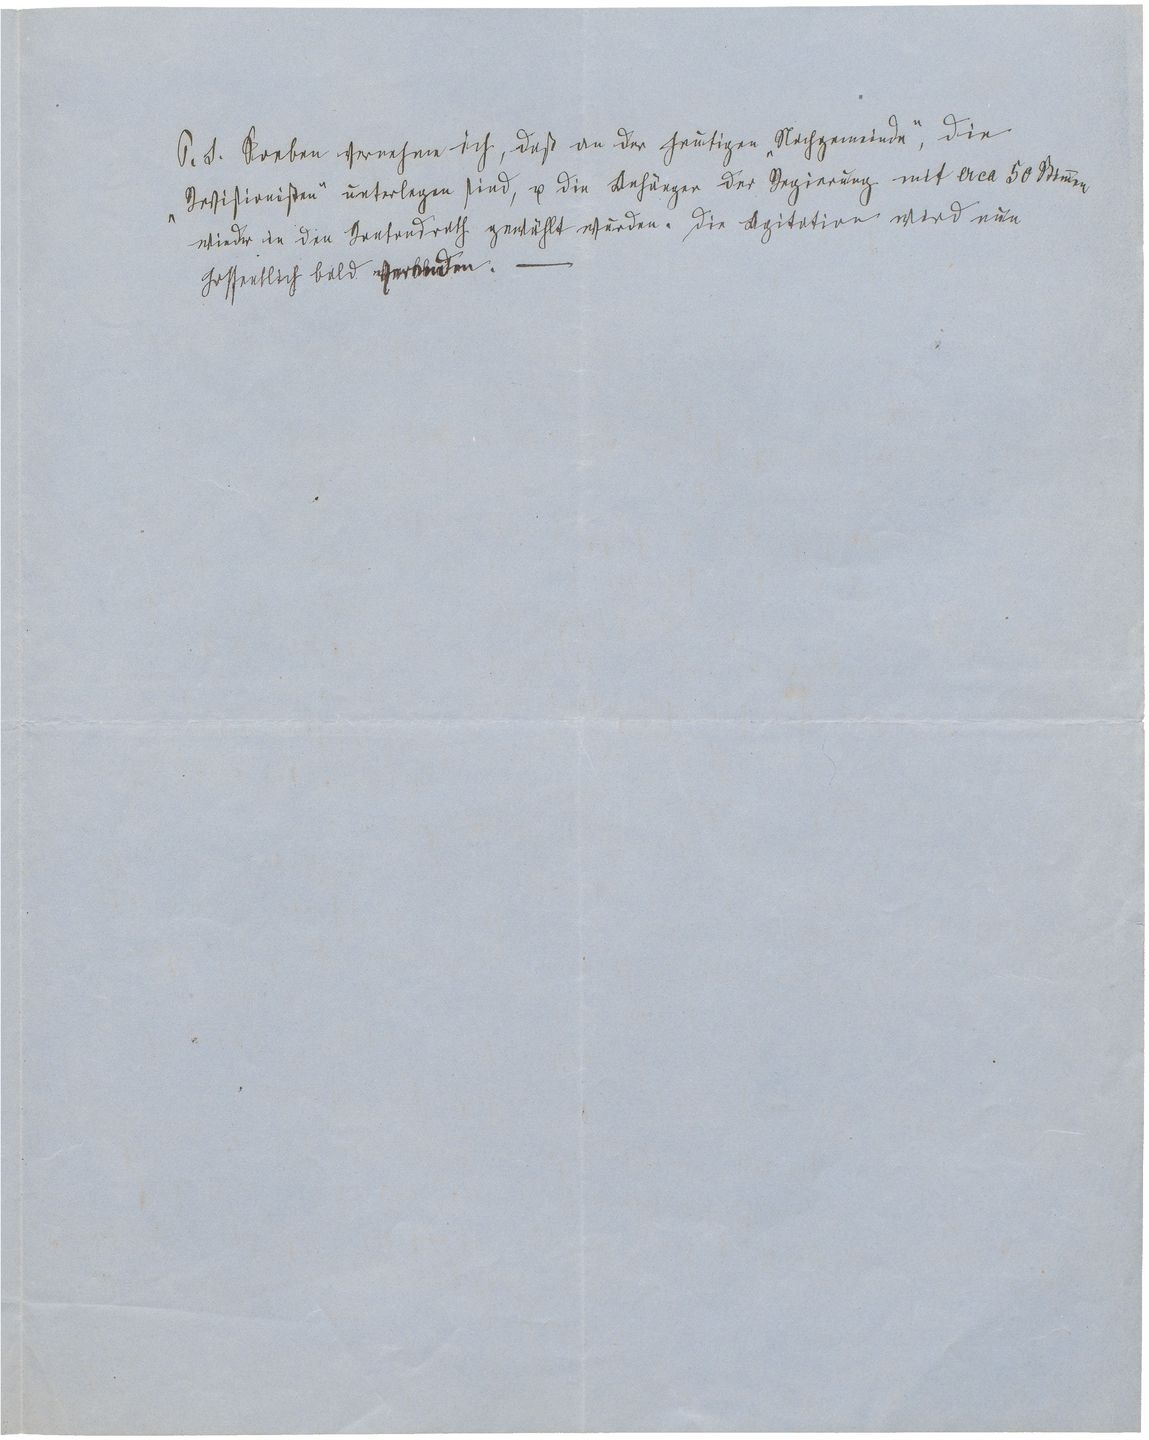P. S. Soeben vernehme ich, daß an der heutigen «Nachgemeinde», die
«Revisionisten» unterlegen sind, & die Anhänger der Regierung mit circa 50 Stimmen
wieder in den Kantonsrath gewählt wurden. Die Agitation wird nun
hoffentlich bald verenden. –